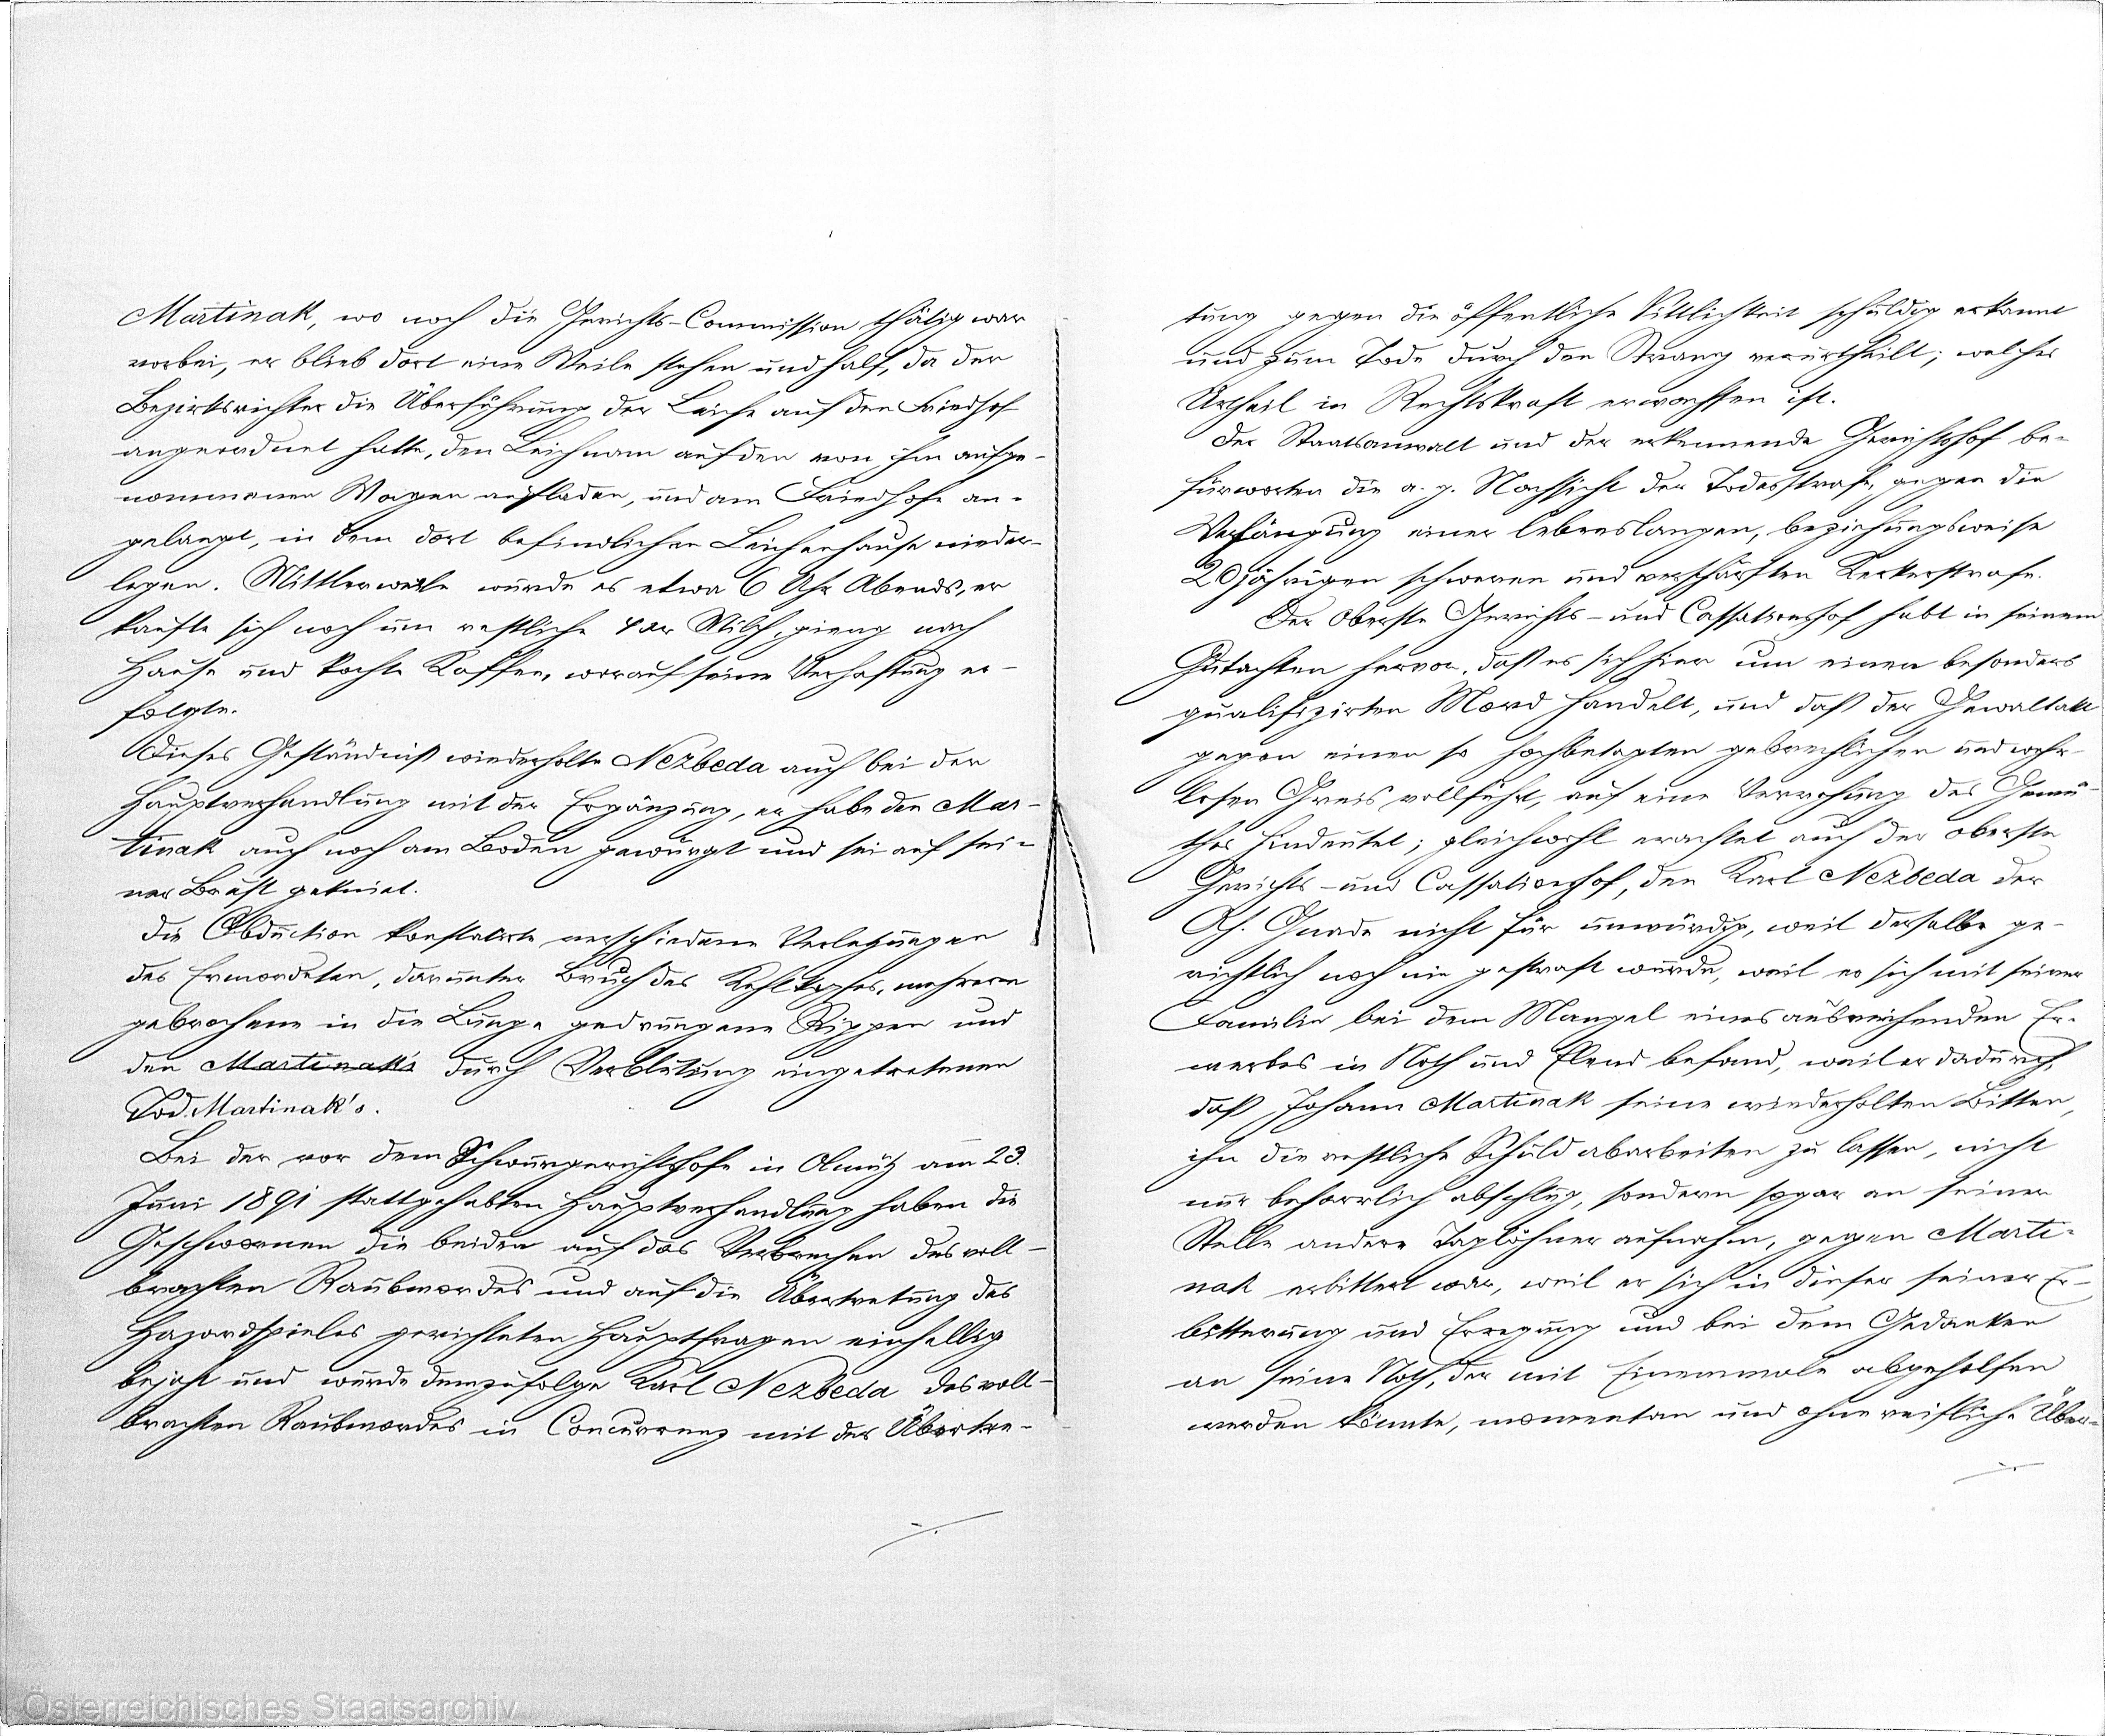Martinak, wo noch die Gerichts-Commission thätig war
vorbei, er blieb dort eine Weile stehen und half, da der
Bezirksrichter die Überführung der Leiche auf den Friedhof
angeordnet hatte, den Leichnam auf den von ihm aufge¬
nommenen Wagen aufladen, und am Friedhofe an¬
gelangt, in dem dort befindlichen Leichanhause wieder¬
legen. Mittlerweile wurde es etwa 6 Uhr Abends, er
kaufte sich noch um restliche 4 xr Milch, gieng nach
Huase und kochte Kaffee, worauf seine Verhaftung er¬
folgte.
Dieses Geständniß wiederholte Nezbeda auch bei der
Hauptverhandlung mit der Ergänzung, er habe den Mar¬
tinak auch noch am Boden gewürgt und sei auf sei¬
ner Brust gekniet.
Die Obduction konstatirte verschiedene Verletzungen
des Ermordeten, darunter Bruch des Kehlkopfes, mehrere
gebrochenen in die Lunge gedrungene Rippen und
den durch Verblutung eingetretenen
Tod Martinak’s.
Bei der vor dem Schwurgerichtshofe in Olmütz am 23.
Juni 1891 stattgehabten Hauptverhandlung haben die
Geschworenen die beiden auf das Verbrechen des voll¬
brachten Raubmordes und auf die Übertretung des
Hazardspieles gerichteten Hauptfragen einhellig
bejaht und wurde demzufolge Karl Nezbeda des voll¬
brachten Raubmordes in Concurrenz mit der Übertre¬
tung gegen die öffentliche Sittlichkeit schuldig erkannt
und zum tode durch den Strang verurtheilt, welches
Urtheil in Rechtskraft erwachsen ist.
Der Staatsanwalt und der erkennende Gerichtshof be¬
fürworten die a.g. Nachsicht der Todesstrafe, gegen die
Verhängung einer lebenslangen, beziehungsweise
20jährigen schweren und verschärften Kerkerstrafe.
Der oberste Gerichts- und Cassationshof hebt in seinem
Gutachten hervor, daß es sich hier um einen besonders
qualifizirten Mord handelt, und daß der Gewaltakt
gegen eine so hochbelegten gebrechlichen und wehr¬
losen Greis vollführt, auf eine Verrohung des Gemü¬
thes hindeutet; gleichwehl erachtet auch der oberste
Gerichts- und Cassatioshof, den Karl Nezbeda der
Ah. Gnade nicht für unwürdig, weil derselbe ge¬
richtlich noch nie gestraft wurde, weil er sich mit seiner
Familie bei dem Mangel eines ausreichenden Er¬
werbes in Noth und Elend befand, weil er dadurch,
daß Johann Martinak seine wiederholten Bitten,
ihn die restliche Schuld abarbeiten zu lassen, nicht
nur beharrlich abschlug, sondern sogar an seinen
Stelle andere Taglöhner aufnahm, gegen Marti¬
nak erbittert war, weil er sich in dieser seiner Er¬
bitterung und Erregung und bei dem Gedanken
an seine Noth, der mit Einemmale abgeholfen
werden könnte, momentan und ohne reifliche Über¬